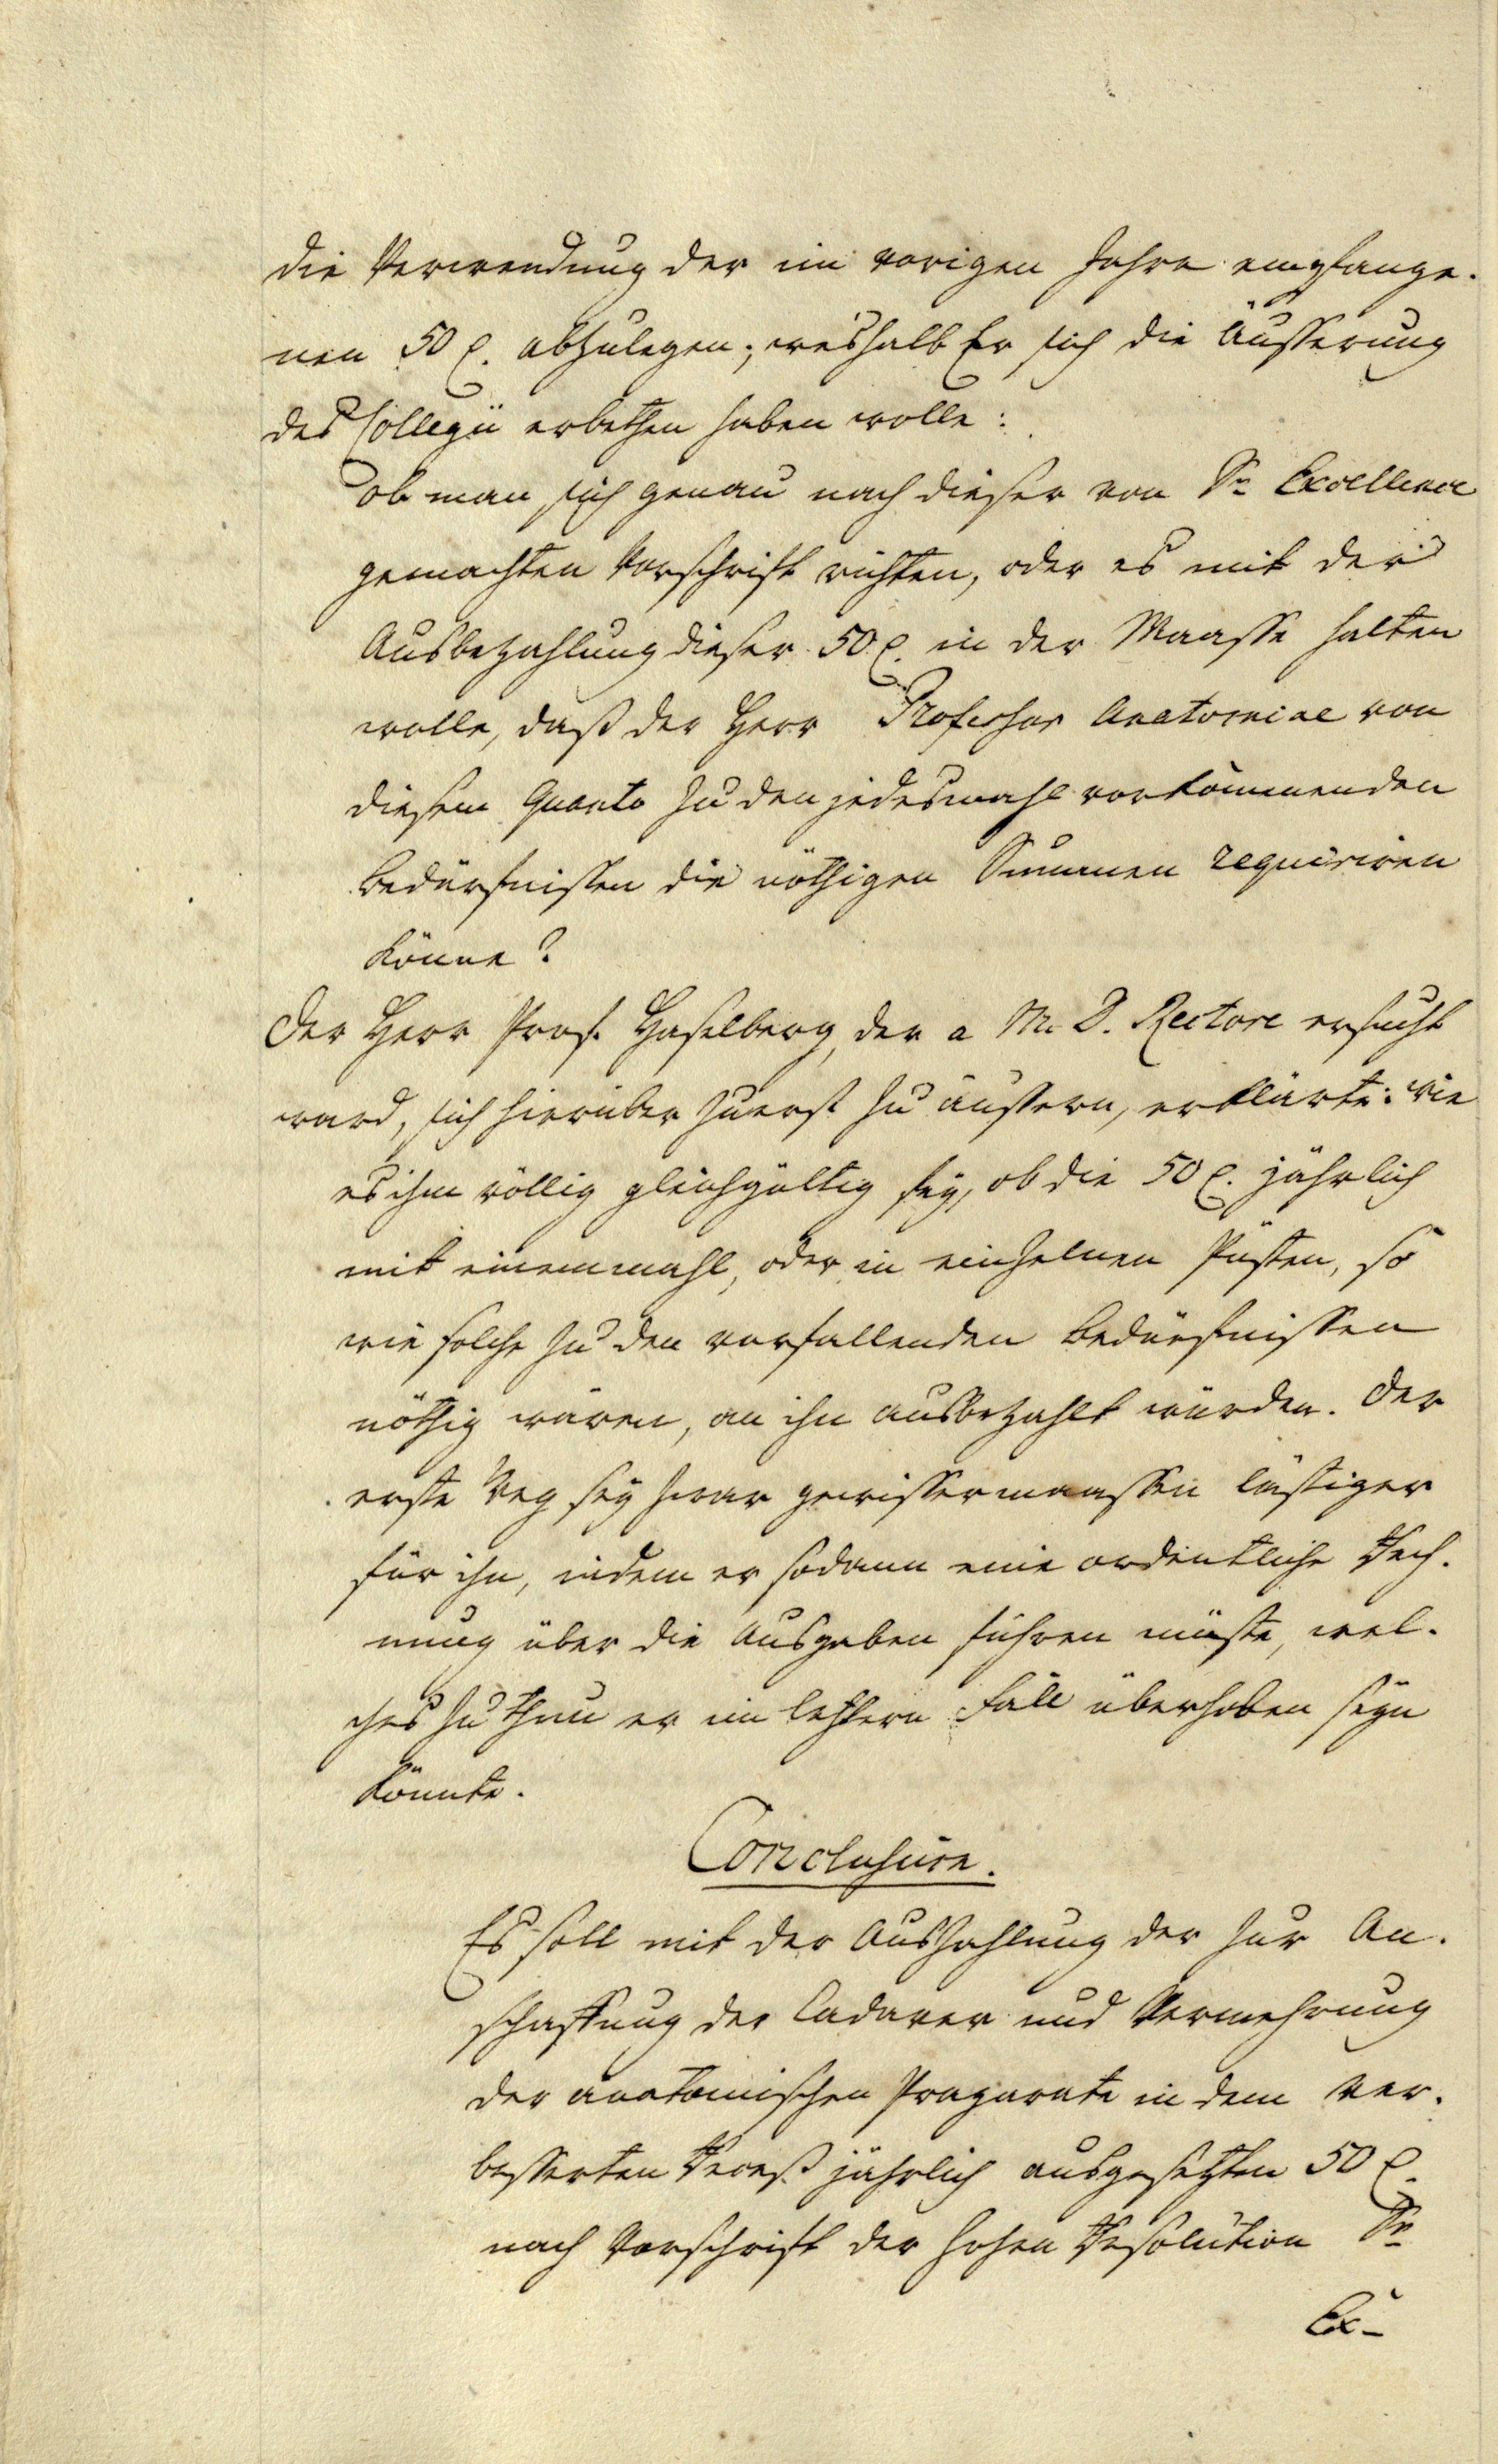die Verwendung der im vorigen Jahre empfange¬
nen 50 l. abzulegen; weshalb Er sich die Äusserung
des Collegii erbethen haben wolle:
ob man sich genau nach dieser von Sr Excellence
gemachten Vorschrift richten, oder es mit der
Ausbezahlung dieser 50 l. in der Maasse halten
wolle, daß der Herr Professor Anatomiae von
diesem Quanto zu den jedesmahl vorkommenden
Bedürfnissen die nöthigen Summen requiriren
könne?
Der Herr Prof. Haselberg, der a M. D. Rectore ersucht
ward, sich hierüber zuerst zu äussern, erklärte: wie
es ihm völlig gleichgültig seÿ, ob die 50 l. jährlich
mit einemmahl, oder in einzelnen Pösten, so
wie solche zu den vorfallenden Bedürfnissen
nöthig wären, an ihn ausbezahlt würden. Der
erste Weg seÿ zwar gewissermaassen lästiger
für ihn, indem er sodann eine ordentliche Rech¬
nung über die Ausgaben führen müßte, wel¬
ches zu thun er im letztern Fall überhoben seÿn
könnte.
Conclusum.
Es soll mit der Auszahlung der zur An¬
schaffung der Cadaver und Vermehrung
der anatomischen Praparate in dem ver¬
besserten Receß jährlich ausgesetzten 50 l.
nach Vorschrift der hohen Resolution Sr
Ex¬